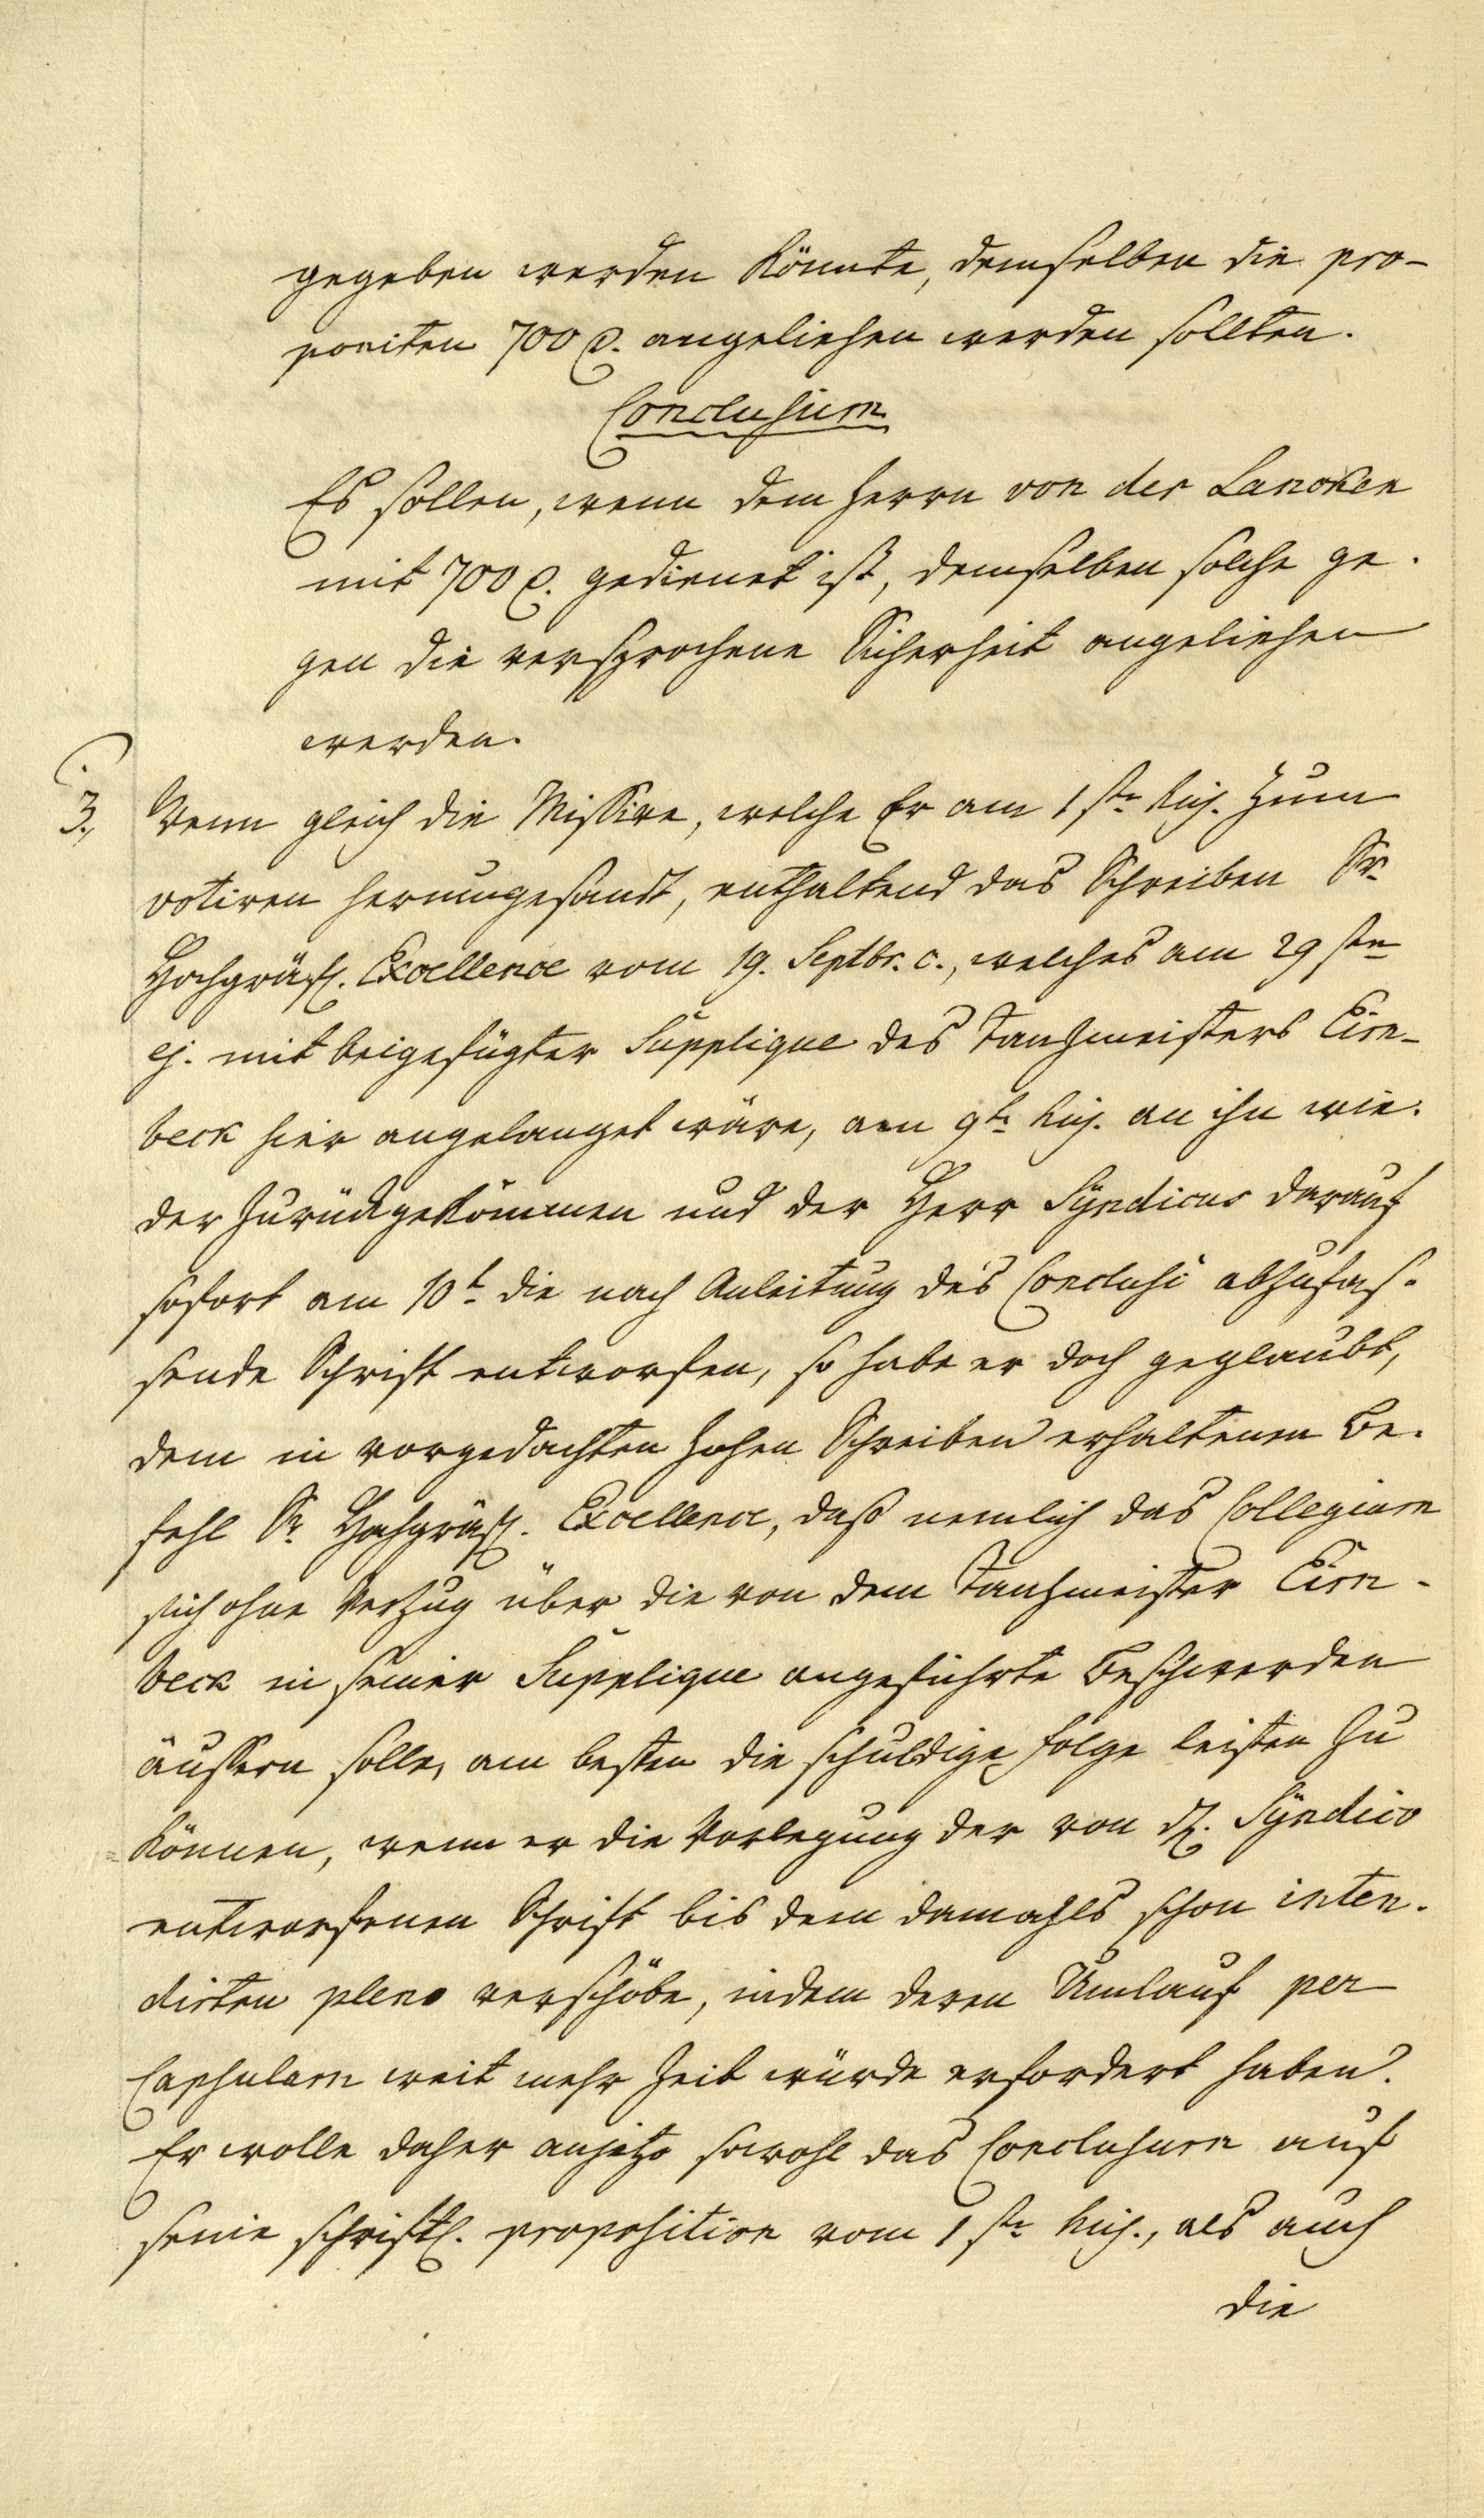gegeben werden könnte, demselben die pro-
ponirten 700 rtl angeliehen werden sollten.
Conclusum
Es sollen wenn dem herrn von der Lancken
mit 700 rtl. gedienet ist, demselben solche ge-
gen die versprochene Sicherheit angeliehen
werden.
3., Wenn gleich die Missive, welche Er am 1sten huj. zum
votiren herumgesandt, enthaltend das Schreiben Sr.
Hochgräfl. Excellence vom 19. Septbr. c., welches am 29sten
ej. mit beigefügter Supplique des Tanzmeisters Eim-
beck hier angelanget wäre, am 9ten huj. an ihn wie-
der zurückgekommen und der Herr Syndicus darauf
sofort am 10ten die nach Anleitung des Conclusi abzufas-
sende Schrift entworfen, so habe er doch geglaubt,
dem in vorgedachten hohen Schreiben erhaltenen Be-
fehl Sr. Hochgräfl. Excellence, daß nemlich das Collegium
sich ohne Verzug über die von dem Tanzmeister Eim-
beck in seiner Supplique angeführte Beschwerden
äussern solle, am besten die schuldige Folge leisten zu
können, wenn er die Vorlegung der von dh. Syndico
entworfenen Schrift bis dem damahls schon inten-
dirten pleno verschöbe, indem deren Umlauf per
Capsulam weit mehr Zeit würde erfordert haben.
Er wolle daher anjetzo sowohl das Conclusum auf
seine schriftl. proposition vom 1sten huj., als auch
die